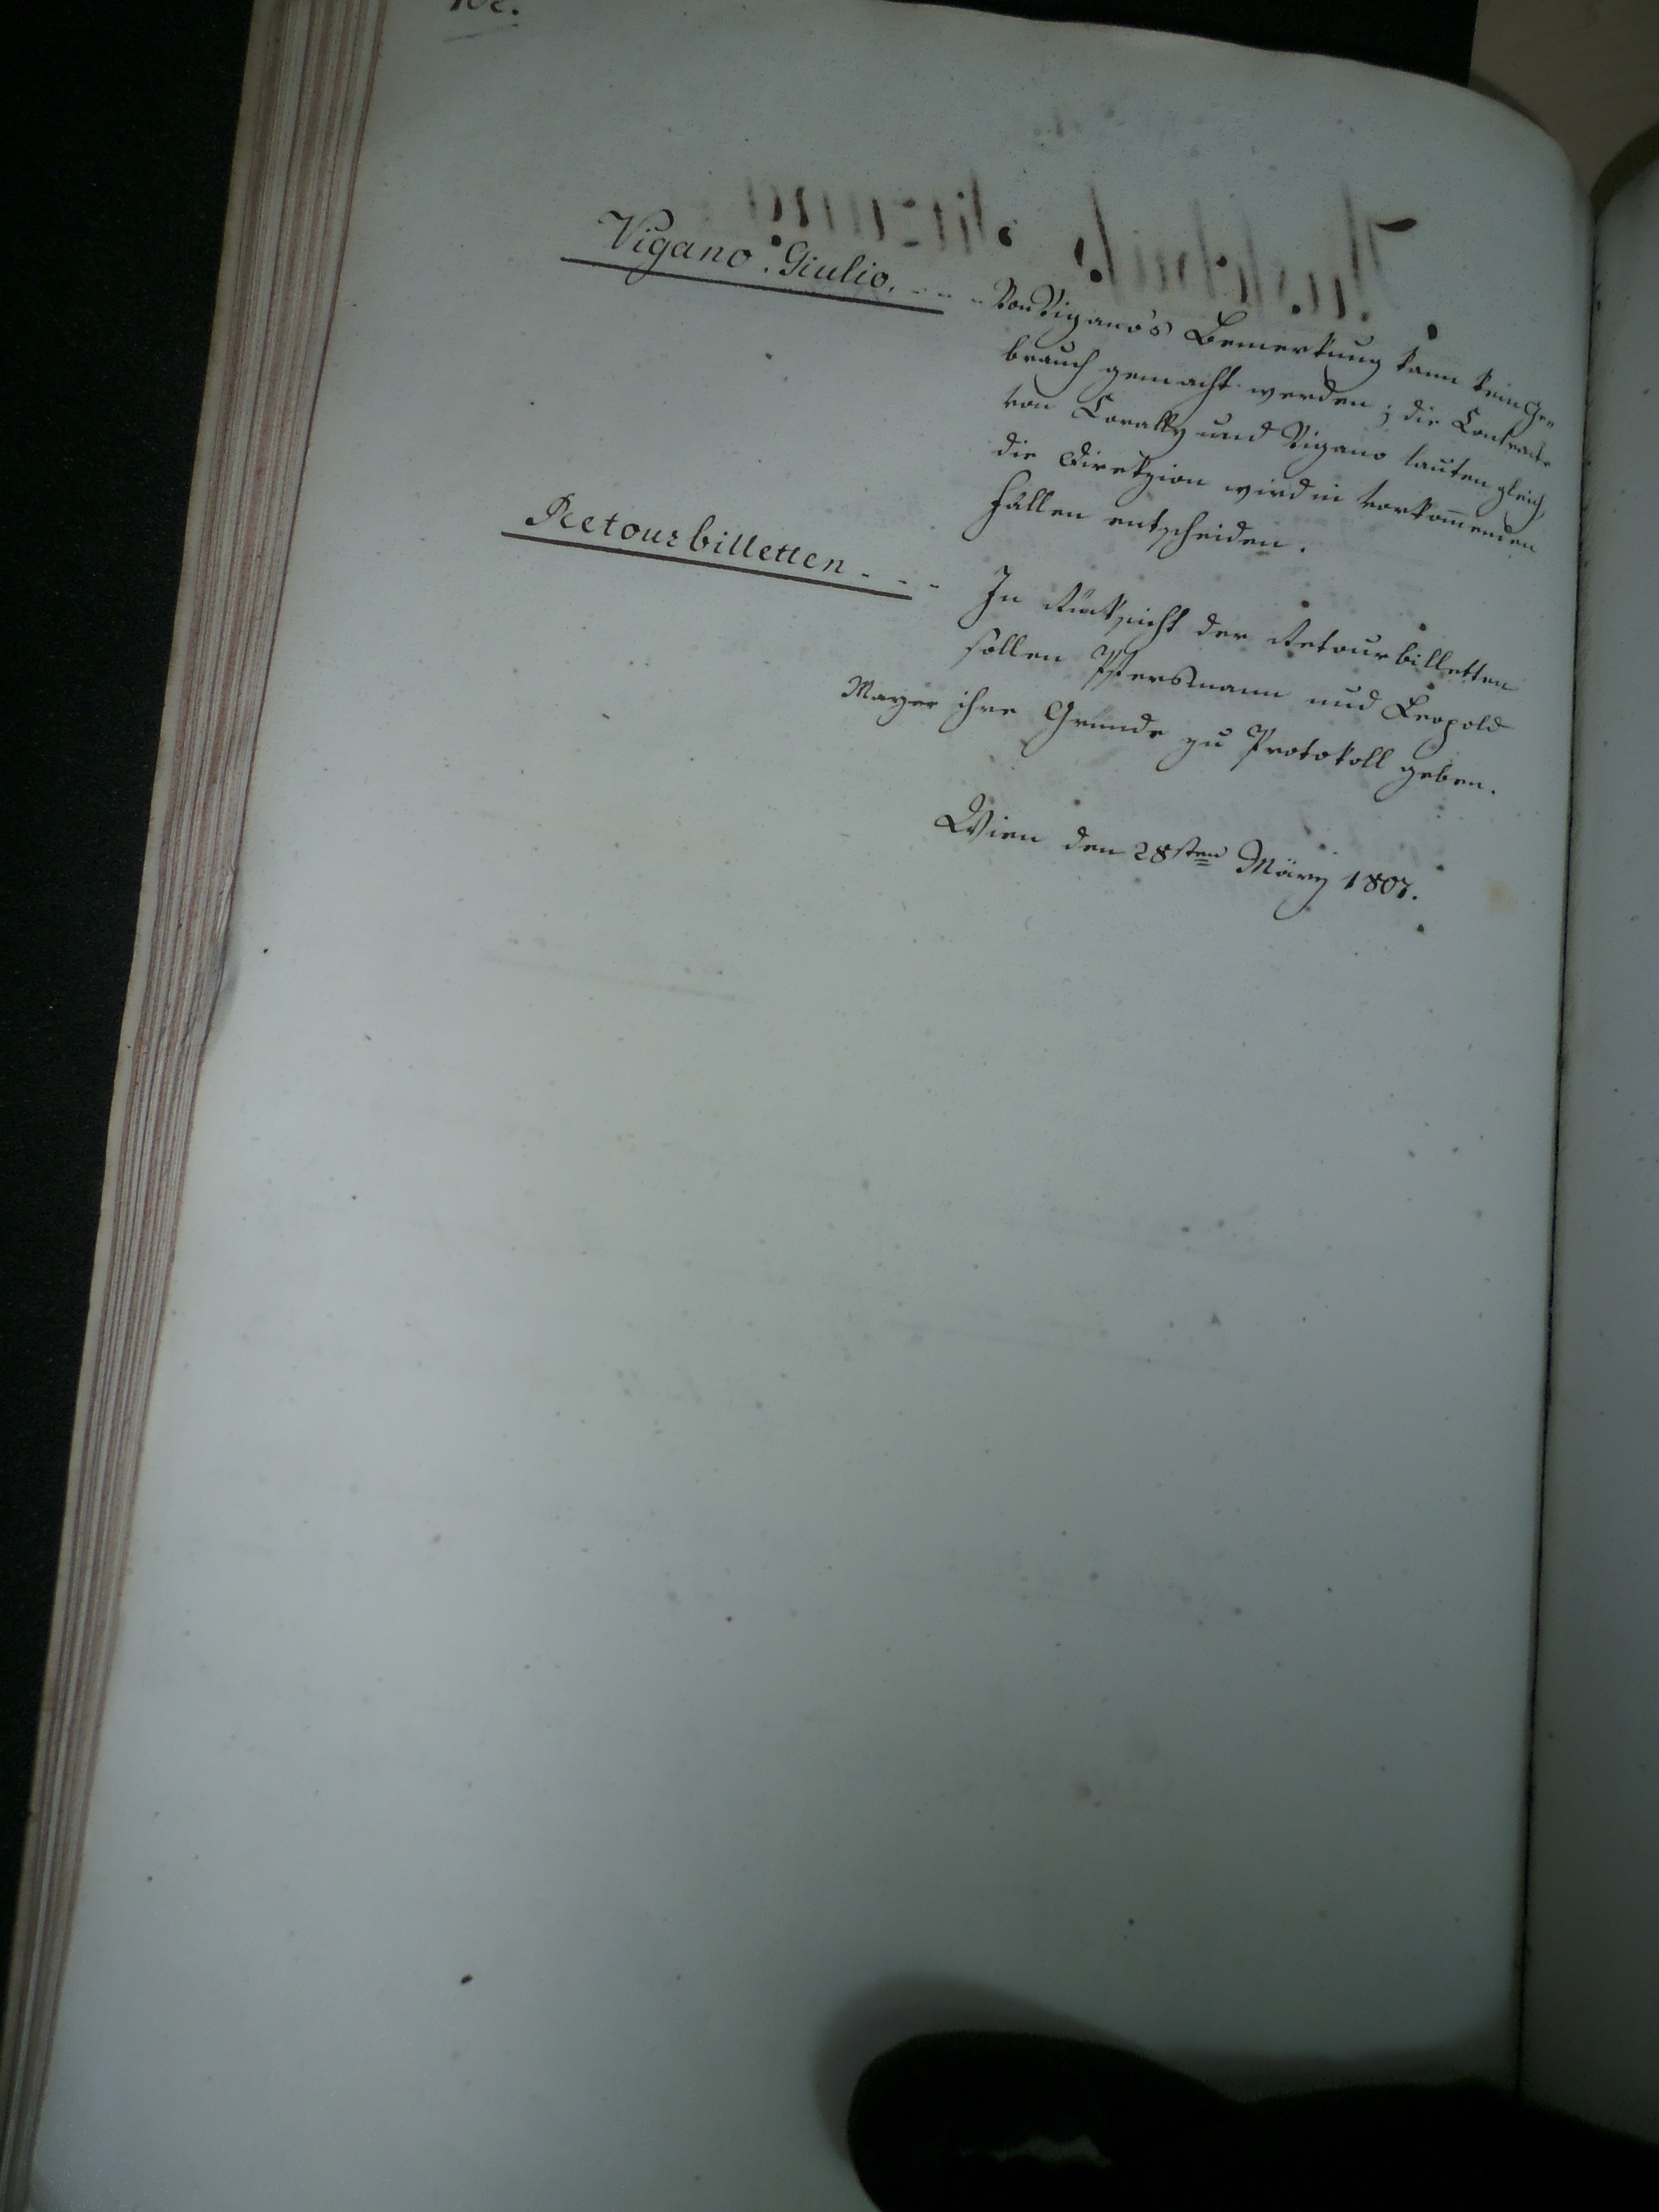102.
Vigano, Giulio, .. .. .. Von Vigano's Bemerkung kann kein Ge¬
brauch gemacht werden; die Contracte
von Corally und Vigano lauten geich
die Direkzion wird in vorkom̅enden
Fällen entscheiden.
Retourbilletten .. .. .. In Rücksicht der Retourbilletten
sollen Pfersmann und Leopold
Mayer ihre Gründe zu Protokoll geben.
Wien den 28ste͇n März 1807.